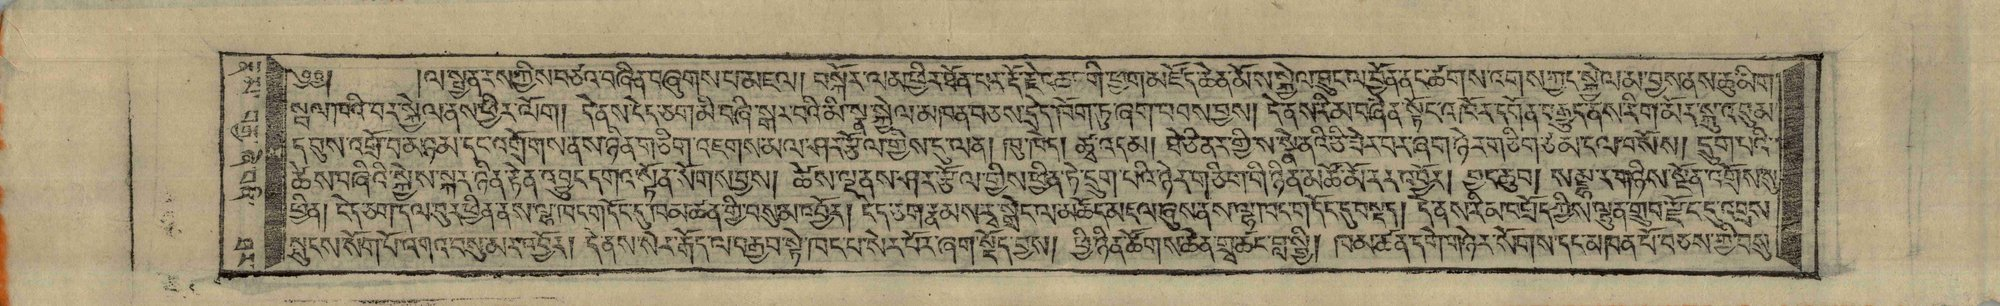༄༅། །ལ་སྤྱན་རས་ཀྱིས་བཙའ་བཞིན་བཞུགས་པ་མཇལ། བསྐོར་ལམ་ཕྱིར་ཐོན་པར་རྡོ་རྗེ་འཆང་གི་ཕྱག་མཛོད་ཆེན་མོས་སྐྱེལ་ཐུང་ལ་བྱོན་ནང་ཚགས་འགས་ཀྱང་སྐྱེ་ལམ་བྱས་ནས་ཆུ་མིག་
སྦལ་ཁའི་བར་སྐྱེལ་ནས་ཕྱིར་ལོག །དེ་ནས་ངེད་ཅག་མི་བཞི་སྒར་བའི་མི་སྣ་སྐྱེལ་མཁན་བཅས་དྲེད་ཁོག་ཏུ་ཞག་བབས་བྱས། དེ་ནས་རིམ་བཞིན་སྟོང་འཁོར་དགོན་བརྒྱུད་ནས་རིག་མོར་སྐུ་འབུམ་
དབུས་འགྲོ་བ་མཉམ་དང་འགྲོགས་ནས་ཉིན་གཅིག་འཇགས་མལ་ཤར་རྩོལ་གྱིས་དུ་ལན། ཁུ་ཁེད། ཚྭ་འདམ། ཐེ་ཅི་ནར་གྱི་ས་སྣེ་ནའི་ཅི་ཟེར་བར་ཞག་ཉེར་གཅིག་ཙམ་ངལ་བསོས། དྲུག་པའི་
ཚེས་བཞིའི་སྐྱེས་སྐར་ཉིན་རྟེན་འབྱུང་དགའ་སྟོན་སོགས་བྱས། ཚེས་ལྔ་ནས་ཤར་རྩོལ་གྱིས་ཕྱིན་ཏེ་དྲུག་པའི་ཉེར་གཅིག་གི་ཉིན་མཚོ་མོ་རར་འབྱོར། བྱང་ཆུབ། སམྦྷ་ར་གཉིས་སྔོན་འགྲོས་སུ་
ཕྱིན། ངེད་ཅག་དལ་བུར་ཕྱིན་ནས་ལྷ་ཁང་གདོང་དུ་ཁམ་ཚན་གྱི་བསུ་མ་འབྱོར། ངེད་ཅག་རྣམས་རྭ་སྒྲེང་ལ་མཆོད་མཇལ་ཞུས་ནས་ལྷ་ཁང་གདོང་དུ་བསྡད། དེ་ནས་རིམ་བགྲོད་ཀྱིས་ལྷུན་གྲུབ་རྫོང་དུ་འབྲས་
སྤུངས་སོག་པོ་འགའ་བསུ་མར་འབྱོར། དེ་ནས་སེར་རྒོད་ལ་བརྒྱབ་སྟེ་ཁང་པ་སེར་པོར་ཞག་སྡོད་བྱས། ཕྱི་ཉིན་ཚོགས་ཆེན་གྲྭ་ཚང་བླ་སྤྱི། ཁམ་ཚན་དགེ་གཉེར་སོགས་དང་མཁན་པོ་བཅས་ཀྱི་བསུ་